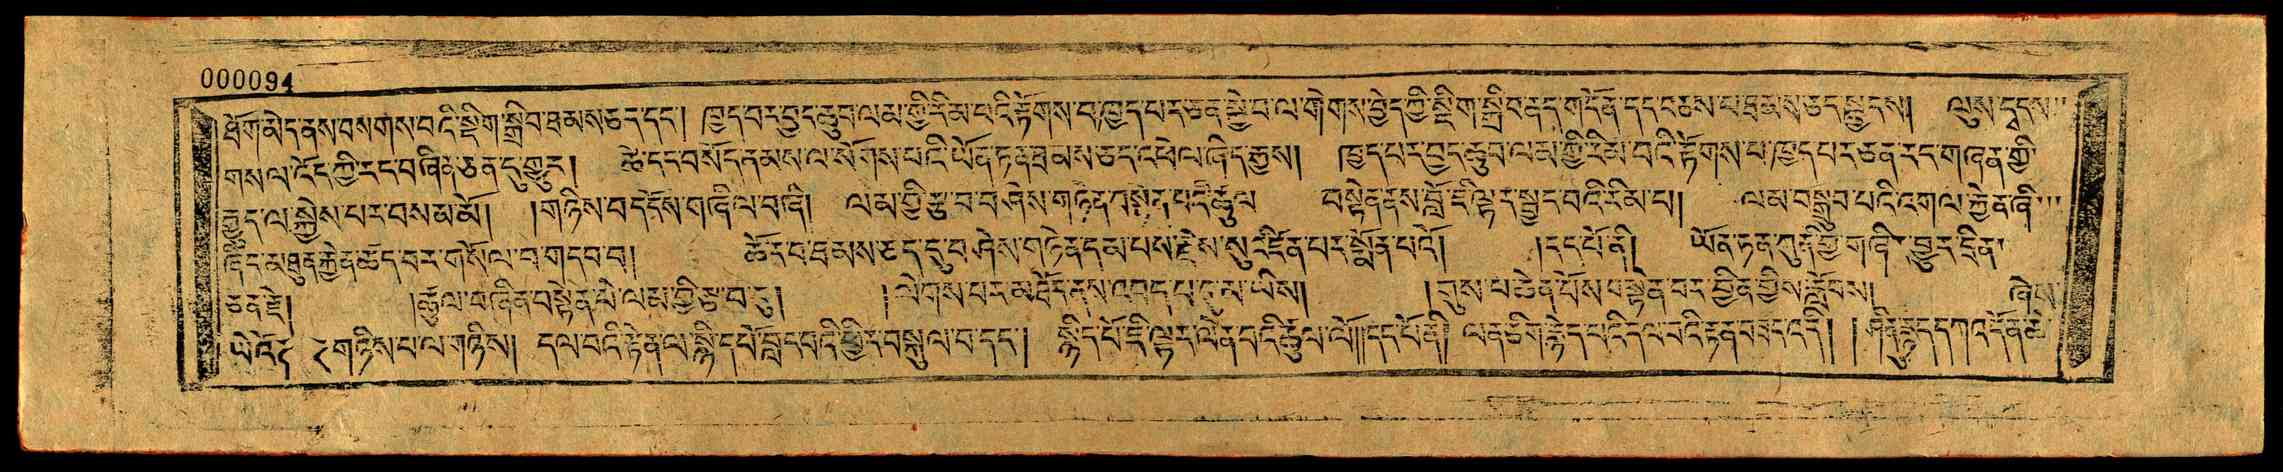ཐོག་མེད་ནས་བསགས་པའི་སྡིག་སྒྲིབ་ཐམས་ཅད་དང་། ཁྱད་པར་བྱང་ཆུབ་ལམ་གྱི་རིམ་པའི་རྟོགས་པ་ཁྱད་པར་ཅན་སྐྱེ་བ་ལ་གེགས་བྱེད་ཀྱི་སྡིག་སྒྲིབ་ནད་གདོན་དང་བཅས་པ་ཐམས་ཅད་སྦྱངས། ལུས་དྭངས་
གསལ་འོད་ཀྱི་རང་བཞིན་ཅན་དུ་གྱུར། ཚེ་དང་བསོད་ནམས་ལ་སོགས་པའི་ཡོན་ཏན་ཐམས་ཅད་འཕེལ་ཞིང་རྒྱས། ཁྱད་པར་བྱང་ཆུབ་ལམ་གྱི་རིམ་པའི་རྟོགས་པ་ཁྱད་པར་ཅན་རང་བཞན་གྱི་
རྒྱུད་ལ་སྐྱེས་པར་བསམ་མོ། །གཉིས་པ་དངོས་གཞི་ལ་བཞི། ལམ་གྱི་རྩ་བ་བཤེས་གཉེན་བསྟེན་པའི་ཚུལ། བསྟེན་ནས་བློ་ཇི་ལྟར་སྦྱང་པའི་རིམ་པ། ལམ་བསྒྲུབ་པའི་འགལ་རྐྱེན་ཞི་
ཞིང་མཐུན་རྐྱེན་ཚང་བར་གསོལ་བ་གདབ་པ། ཚེ་རབས་ཐམས་ཅད་དུ་བཤེས་གཉེན་དམ་པས་རྗེས་སུ་འཛིན་པར་སྨོན་པའོ། །དང་པོ་ནི། ཡོན་ཏན་ཀུན་གྱི་གཞིར་གྱུར་དྲིན་
ཅན་རྗེ། །ཚུལ་བཞིན་བསྟེན་པ་ལམ་གྱི་རྩ་བ་རུ། །ལེགས་པར་མཐོང་ནས་འབད་པ་དུ་མ་ཡིས། །གུས་པ་ཆེན་པོས་བསྟེན་པར་བྱིན་གྱིས་རློབས། ཞེས་
པའོ༑ ༑གཉིས་པ་ལ་གཉིས། དལ་བའི་རྟེན་ལ་སྙིང་པོ་བླང་བའི་ཕྱིར་བསྐུལ་བ་དང་། སྙིང་པོ་ཇི་ལྟར་ལེན་པའི་ཚུལ་ལོ། དང་པོ་ནི། ལན་ཅིག་རྙེད་པའི་དལ་བའི་རྟེན་བཟང་འདི། །ཤིན་ཏུ་རྙེད་དཀའ་དོན་ཆེ་